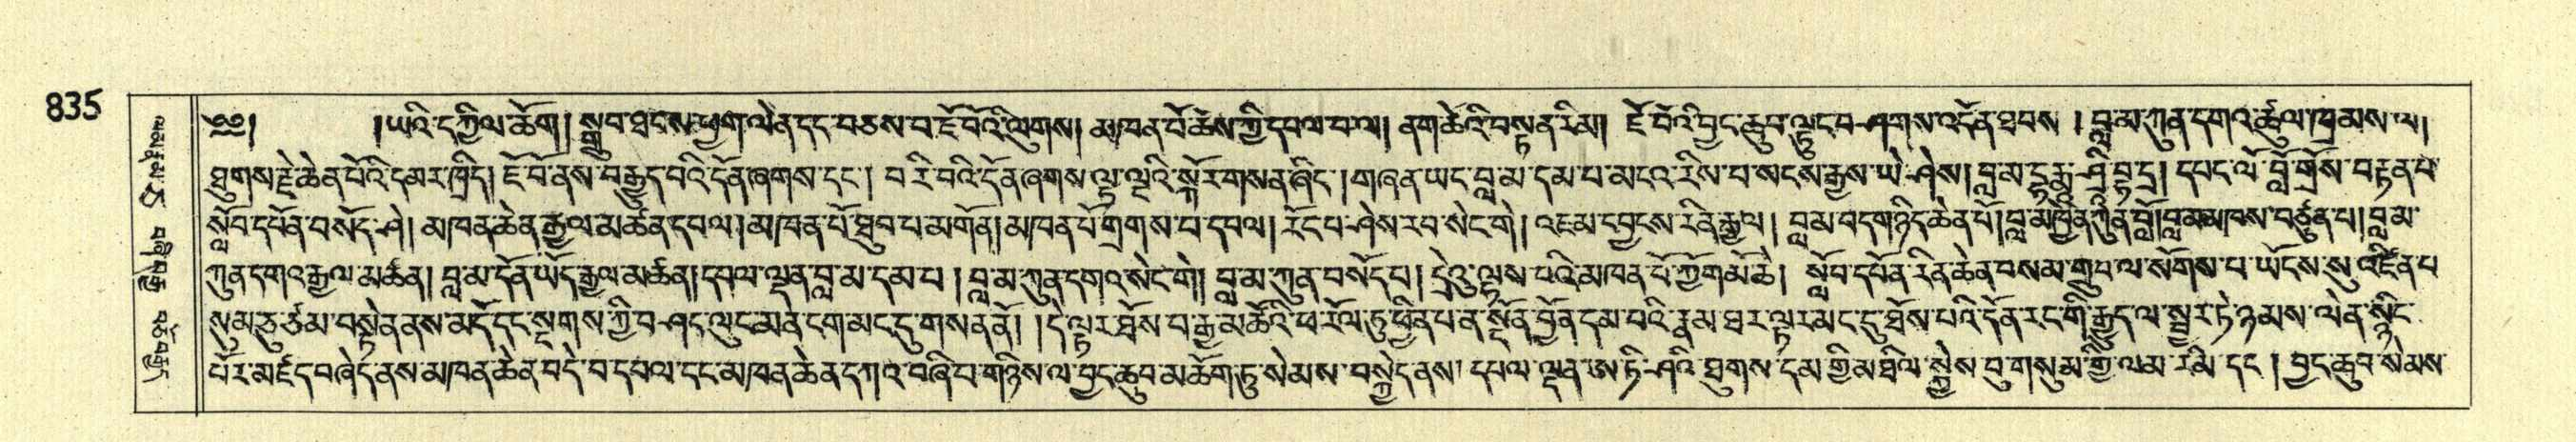༄༅། །ཡའི་དཀྱིལ་ཆོག། སྒྲུབ་ཐབས་ཕྱག་ལེན་དང་བཅས་བ་ཇོ་བོའི་ལུགས། མཁན་བོ་ཆོས་ཀྱི་དཔལ་བ་ལ། ནག་ཆོའི་བསྟན་རིམ། ཇོ་བོའི་བྱང་ཆུབ་ལྟུང་བཤགས་འདོན་ཐབས་།བླ་མ་ཀུན་དགའ་ཚུལ་ཁྲིམས་ལ།
ཐུགས་རྗེ་ཆེན་པོའི་དམར་ཁྲིད། ཇོ་བོ་ནས་བརྒྱུད་བའི་དོན་ཞགས་དང་། བ་རི་བའི་དོན་ཞགས་ལྟ་ལྔའི་སྐོར་གསན་ཞིང་། གཞན་ཡང་བླ་མ་དམ་པ་མངའ་རིས་པ་སངས་རྒྱས་ཡེ་ཤེས། བླ་མ་དྷརྨཱ་ཤྲཱི་བྷ་དྲ། དཔང་ལོ་བློ་གྲོས་བརྟན་པ་
སློབ་དཔོན་བསོད་ཤེ། མཁན་ཆེན་རྒྱལ་མཚན་དཔལ། མཁན་པོ་ཐུབ་པ་མགོན། མཁན་པོ་གྲགས་པ་དཔལ། རོང་པ་ཤེས་རབ་སེང་གེ། འཇམ་དབྱངས་རིན་རྒྱལ། བླ་མ་བདག་ཉིད་ཆེན་པོ། བླ་མཁྱེན་ཀུན་བློ། བླ་མ་མཁས་བཙུན་པ། བླ་མ་
ཀུན་དགའ་རྒྱལ་མཚན། བླ་མ་དོན་ཡོད་རྒྱལ་མཚན། དཔལ་ལྡན་བླ་མ་དམ་པ། བླ་མ་ཀུན་དགའ་སེང་གེ། བླ་མ་ཀུན་བསོད་པ། དྲེའུ་ལྷས་པའི་མཁན་བོ་ཀྱོག་མོ་ཆེ། སློབ་དཔོན་རིན་ཆེན་བསམ་གྲུབ་ལ་སོགས་པ་ཡོངས་སུ་འཛིན་པ་
སུམ་ཅུ་ཙམ་བསྟེན་ནས་མདོ་དང་སྔགས་ཀྱི་བཤད་ལུང་མན་ངག་མང་དུ་གསན་ནོ། །དེ་ལྟར་ཐོས་བ་རྒྱ་མཚོའི་ཕ་རོལ་ཏུ་ཕྱིན་པ་ན་སྔོན་བྱོན་དམ་པའི་རྣམ་ཐར་ལྟར་མང་དུ་ཐོས་པའི་དོན་རང་གི་རྒྱུད་ལ་སྦྱར་ཏེ་ཉམས་ལེན་སྙིང་
པོར་མཛད་བཞེད་ནས་མཁན་ཆེན་བདེ་བ་དཔལ་དང་མཁན་ཆེན་དཀའ་བཞི་པ་གཉིས་ལ་བྱང་ཆུབ་མཆོག་ཏུ་སེམས་བསྐྱེད་ནས། དཔལ་ལྡན་ཨ་ཏི་ཤའི་ཐུགས་དམ་གྱི་མཐིལ་སྐྱེས་བུ་གསུམ་གྱི་ལམ་རིམ་དང་། བྱང་ཆུབ་སེམས་